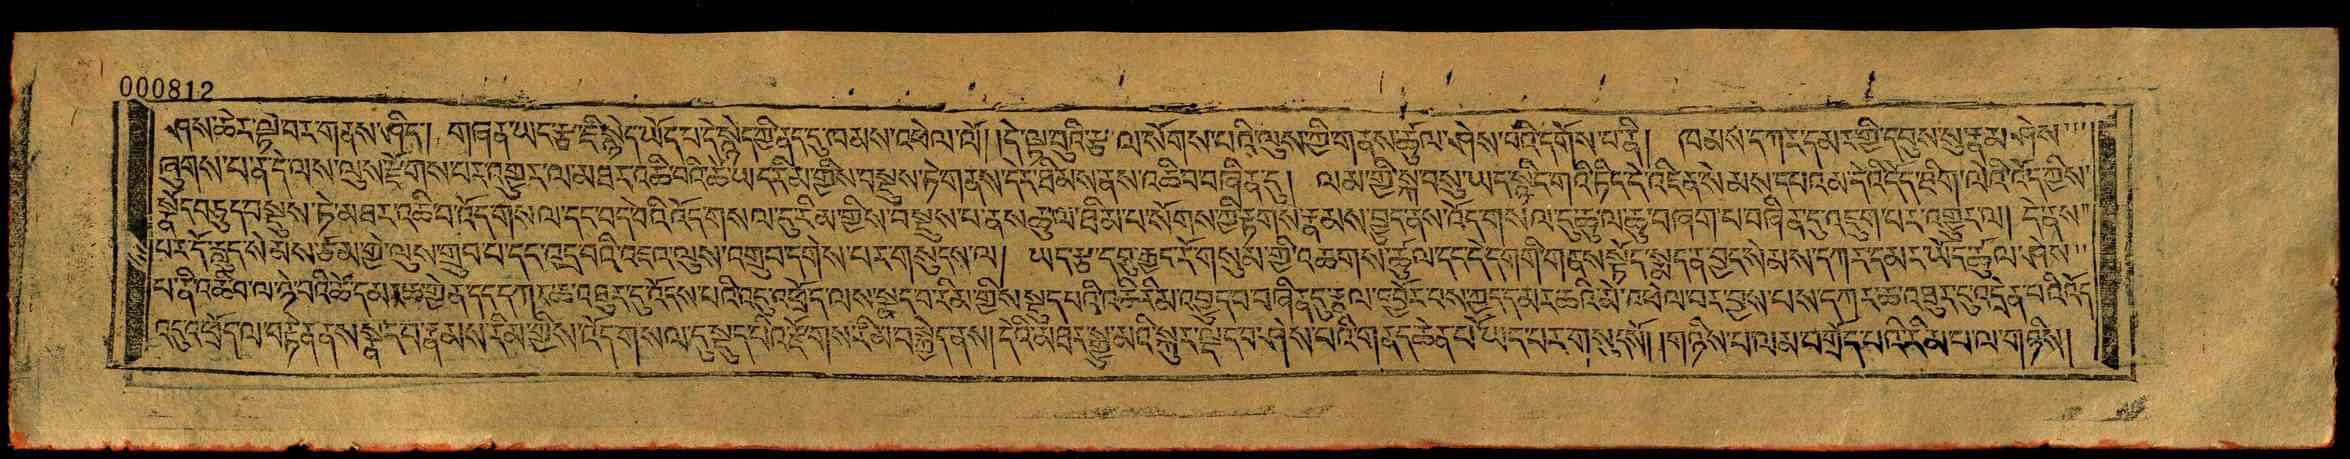ཤས་ཆེར་ལྟེ་བར་གནས་ཤིང་། གཞན་ཡང་རྩ་ཇི་སྙེད་ཡོད་བདེ་སྙེད་ཀྱི་ནང་དུ་ཁམས་འཕེལ་ལོ། །དེ་ལྟ་བུའི་རྩ་ལ་སོགས་པའི་ལུས་ཀྱི་གནས་ཚུལ་ཤེས་པའི་དགོས་པ་ནི། ཁམས་དཀར་དམར་གྱི་དབུས་སུ་རྣམ་ཤེས་
ཞུགས་པ་ན་དེ་ལས་ལུས་རྫོགས་པར་འགྱུར་ལ་མཐར་འཆི་བའི་ཚེ་ཡང་རིམ་གྱིས་བསྡུས་ཏེ་གནས་དེར་ཐིམས་ནས་འཆི་བ་བཞིན་དུ། ལམ་གྱི་སྐབས་སུ་ཡང་སྙིང་གའི་ཏིང་ངེ་འཛིན་སེམས་དཔའམ་དེའི་དོད་ཐིག་ལེའི་འོད་ཀྱིས་
སྣོད་བཅུད་བསྡུས་ཏེ་མཐར་འཆི་བ་འོད་གསལ་དང་འདྲ་བའི་འོད་གསལ་དུ་རིམ་གྱིས་བསྡུས་པ་ནས་ཆུ་ལ་ཐིམ་པ་སོགས་ཀྱི་རྟགས་རྣམས་བྱུང་ནས་འོད་གསལ་དུ་ཆུ་ལ་ཆུ་བཞག་པ་བཞིན་དུ་འཇུག་པར་འགྱུར་ལ། དེ་ནས་
བར་དོ་རླུང་སེམས་ཙམ་གྱི་ལུས་གྲུབ་པ་དང་འདྲ་བའི་འཇའ་ལུས་འགྲུབ་དགོས་པར་གསུངས་ལ། ཡང་རྩ་དབུ་རྐྱང་རོ་གསུམ་གྱི་འཆགས་ཚུལ་དང་དེ་དག་གི་གནས་སྟོད་སྨད་ན་བྱང་སེམས་དཀར་དམར་ཡོང་ཚུལ་ཤེས་
པ་ནི་འཆི་བ་ལ་ཉེ་བའི་ཚེ་དམར་ཆ་གྱེན་དང་དཀར་ཆ་འཐུར་དུ་འོངས་པའི་འདུ་འཕྲོད་ལས་སྣང་བ་རིམ་གྱིས་སྡུད་པའི་འཆི་རིམ་འབྱུང་བ་བཞིན་དུ་རྣལ་འབྱོར་པས་ཀྱང་དམར་ཆའི་མེ་འཕེལ་བར་བྱས་པས་དཀར་ཆ་འཐུར་དུ་འདྲེན་པའི་འོད་
འདུ་འཕྲོད་ལ་བརྟེན་ནས་སྣང་བ་རྣམས་རིམ་གྱིས་འོད་གསལ་དུ་སྡུད་པའི་རྫོགས་རིམ་བསྐྱེད་ནས། དེའི་མཐར་སྒྱུ་མའི་སྐུར་ལྡང་བ་ཤེས་པའི་གནད་ཆེན་པོ་ཡོད་པར་གསུངས་སོ། །གཉིས་པ་ལམ་བགྲོད་པའི་རིམ་པ་ལ་གཉིས།